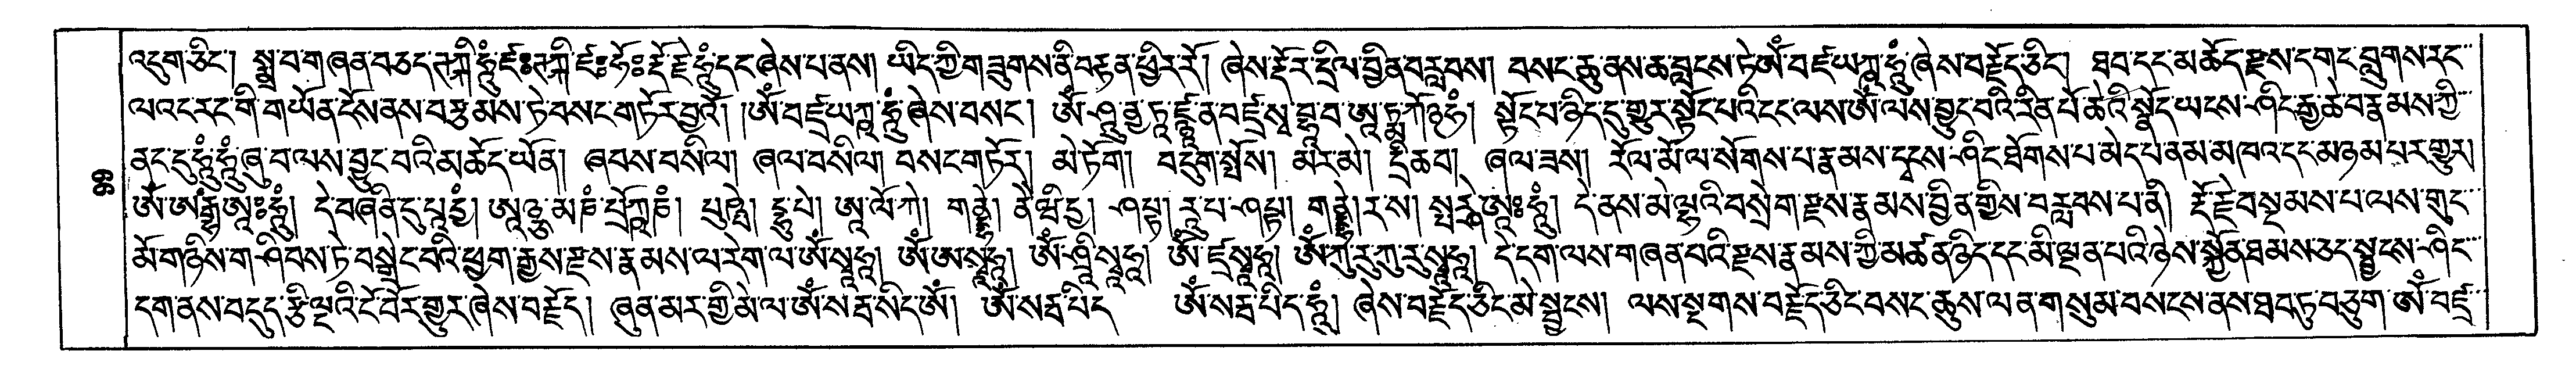འདུག་ཅིང་། སྨྲ་བ་གཞན་བཅད་ཊཀྐི་ཧཱུཾ་ཛཿཧོཿརྡོ་རྗེ་ཧཱུཾ་དང་ཞེས་པ་ནས། ཡིད་ཀྱི་གཟུགས་ནི་བརྟན་ཕྱིར་རོ། ཞེས་རྡོར་དྲིལ་བྱིན་བརླབས། བསང་ཆུ་ནས་ཆུ་བླངས་ཏེ་ཨོཾ་པ་རྫ་ཡཀྵ་ཧཱུཾ་ཞེས་བརྗོད་ཅིང་། ཐབ་དང་མཆོད་རྫས་དགང་བླུགས་རང་
ལའང་རང་གི་གཡོན་ངོས་ནས་བརྩམས་ཏེ་བསང་གཏོར་བྱའོ། །ཨོཾ་བཛྲ་ཡཀྵ་ཧཱུཾ་ཞེས་བསང་། ཨོཾ་ཤཱུ་ནྱ་ཏཱ་ཛཉཱ་ན་བཛྲ་སྭ་བྷཱ་བ་ཨཱཏྨ་ཀོཉཧཾ། སྟོང་པ་ཉིད་དུ་གྱུར་སྟོང་པའི་ངང་ལས་ཨོཾ་ལས་བྱུང་བའི་རིན་པོ་ཆེའི་སྣོད་ཡངས་ཤིང་རྒྱ་ཆེ་བ་རྣམས་ཀྱི་
ནང་དུ་ཧཱུཾ་ཧཱུཾ་ཞུ་བ་ལས་བྱུང་བའི་མཆོད་ཡོན། ཞབས་བསིལ། ཞལ་བསིལ། བསང་གཏོར། མེ་ཏོག། བདུག་སྤོས། མར་མེ། དྲི་ཆབ། ཞལ་ཟས། རོལ་མོ་ལ་སོགས་པ་རྣམས་དྭངས་ཤིང་ཐོགས་པ་མེད་པ་ནམ་མཁའ་དང་མཉམ་པར་གྱུར།།
ཨོཾ་ཨརྒྷཾ་ཨཱཿཧཱུཾ། དེ་བཞིན་དུ་པཱ་དྱཾ། ཨཱཉྩ་མ་ཎཾ་པྲོཀྵ་ཎཾ། པུཥྤེ། དྷཱུ་པེ། ཨཱ་ལོ་ཀེ། གནྦྷེ། ནཻ་ཝི་དྱ། ཤཔྟ། རཱུ་པཱ་ཤཔྟ། གནྦྷེ། ར་ས། སྤརྴེ་ཨཱཿཧཱུཾ། དེ་ནས་མེ་ལྷའི་བསྲེག་རྫས་རྣམས་བྱིན་གྱིས་བརླབས་པ་ནི། རྡོ་རྗེ་བསྡམས་པ་ལས་གུང་
མོ་གཉིས་གཤིབས་ཏེ་བསྒྲེང་བའི་ཕྱག་རྒྱས་རྫས་རྣམས་ལ་རེག་ལ་ཨོཾ་སྭཱ་ཧཱ། ཨོཾ་ཨ་སྭཱ་ཧཱ། ཨོཾ་ཤྲའི་སྭཱ་ཧཱ། ཨོཾ་ཛྲི་སྭཱ་ཧཱ། ཨོཾ་ཀུ་རུ་ཀུ་རུ་སྭཱ་ཧཱ། དེ་དག་ལས་གཞན་པའི་རྫས་རྣམས་ཀྱི་མཚན་ཉིད་དང་མི་ལྡན་པའི་ཉེས་སྐྱོན་ཐམས་ཅད་སྦྱངས་ཤིང་
དག་ནས་བདུད་རྩི་ལྔའི་ངོ་བོར་གྱུར་ཞེས་བརྗོད། ཞུན་མར་གྱི་མེ་ལ་ཨོཾ་སརྦ་བིད་ཨོཾ། ཨོཾ་སརྦ་བིད་ཨཱཿཨོཾ་སརྦ་བིད་ཧཱུཾ། ཞེས་བརྗོད་ཅིང་མེ་སྦྱངས། ལས་སྔགས་བརྗོད་ཅིང་བསང་ཆུས་ལན་གསུམ་བསངས་ནས་ཐབ་ཏུ་བཅུག་ཨོཾ་བཛྲ་